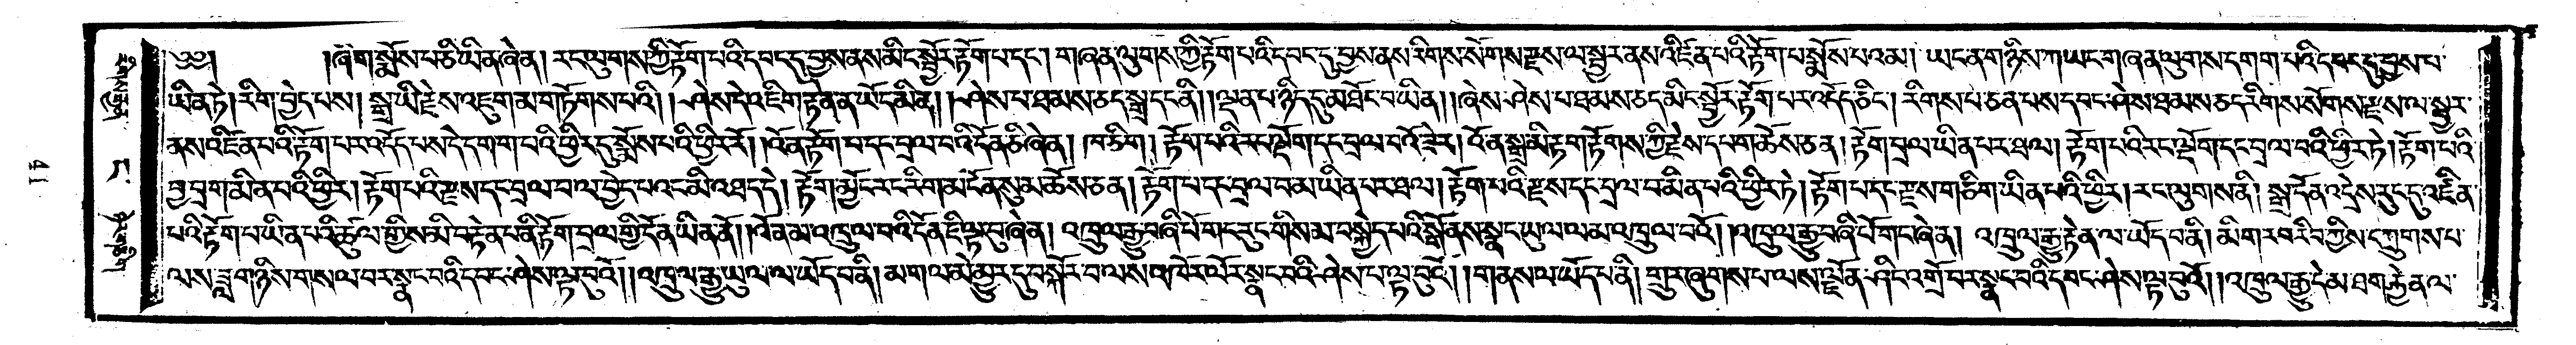༄༅། །ཞིག་སྨོས་པ་ཅི་ཡིན་ཞེ་ན། རང་ལུགས་ཀྱི་རྟོག་པའི་དབང་དུ་བྱས་ནས་མིང་སྦྱོར་རྟོག་པ་དང་། གཞན་ལུགས་ཀྱི་རྟོག་པའི་དབང་དུ་བྱས་ནས་རིགས་སོགས་རྫས་ལ་སྦྱར་ནས་འཛིན་པའི་རྟོག་པ་སྨོས་པའམ། ཡང་ན་གཉིས་ཀ་ཡང་གཞན་ལུགས་དགག་པའི་དབང་དུ་བྱས་པ་
ཡིན་ཏེ། རིག་བྱེད་པས། སྒྲ་ཡི་རྗེས་འཇུག་མ་གཏོགས་པའི། །ཤེས་དེ་འཇིག་རྟེན་ན་ཡོད་མིན། །ཤེས་པ་ཐམས་ཅད་སྒྲ་དང་ནི། །ལྡན་པ་ཉིད་དུ་མཐོང་བ་ཡིན། །ཞེས་ཤེས་པ་ཐམས་ཅད་མིང་སྦྱོར་རྟོག་པར་འདོད་ཅིང་། རིགས་པ་ཅན་པས་དབང་ཤེས་ཐམས་ཅད་རིགས་སོགས་རྫས་ལ་སྦྱར་
ནས་འཛིན་པའི་རྟོག་པར་འདོད་པས་དེ་དགག་པའི་ཕྱིར་དུ་སྨོས་པའི་ཕྱིར་རོ། །འོ་ན་རྟོག་པ་དང་བྲལ་བའི་དོན་ཅི་ཞེ་ན། ཁ་ཅིག །རྟོག་པའི་རང་ལྡོག་དང་བྲལ་བའོ་ཟེར། འོ་ན་སྒྲ་མི་རྟག་རྟོགས་ཀྱི་རྗེས་དཔག་ཆོས་ཅན། རྟོག་བྲལ་ཡིན་པར་ཐལ། རྟོག་པའི་རང་ལྡོག་དང་བྲལ་བའི་ཕྱིར་ཏེ། རྟོག་པའི་
བྱེ་བྲག་ཡིན་པའི་ཕྱིར། རྟོག་པའི་རྫས་དང་བྲལ་བ་ལ་བྱེད་པའང་མི་འཐད་དེ། རྟོག་མྱོང་རང་རིག་མངོན་སུམ་ཆོས་ཅན། རྟོག་པ་དང་བྲལ་བ་མ་ཡིན་པར་ཐལ། རྟོག་པའི་རྫས་དང་བྲལ་བ་མིན་པའི་ཕྱིར་ཏེ། རྟོག་པ་དང་རྫས་གཅིག་ཡིན་པའི་ཕྱིར། རང་ལུགས་ནི། སྒྲ་དོན་འདྲེས་རུང་དུ་འཛིན་
པའི་རྟོག་པ་ཡིན་པའི་ཚུལ་གྱིས་མི་བརྟེན་པ་ནི་རྟོག་བྲལ་གྱི་དོན་ཡིན་ནོ། །འོ་ན་མ་འཁྲུལ་བའི་དོན་ཇི་ལྟ་བུ་ཞེ་ན། འཁྲུལ་རྒྱུ་བཞི་པོ་གང་རུང་གིས་མ་བསྐྱེད་པའི་སྒོ་ནས་སྣང་ཡུལ་ལ་མ་འཁྲུལ་བའོ། །འཁྲུལ་རྒྱུ་བཞི་པོ་གང་ཞེ་ན། འཁྲུལ་རྒྱུ་རྟེན་ལ་ཡོད་པ་ནི། མིག་རབ་རིབ་ཀྱིས་དཀྲུགས་པ་
ལས་ཟླ་གཉིས་གསལ་བར་སྣང་བའི་དབང་ཤེས་ལྟ་བུའོ། །འཁྲུལ་རྒྱུ་ཡུལ་ལ་ཡོད་པ་ནི། མགལ་མེ་མྱུར་དུ་བསྐོར་བ་ལས་འཁོར་ལོར་སྣང་བའི་ཤེས་པ་ལྟ་བུའོ། །གནས་ལ་ཡོད་པ་ནི། གྲུར་ཞུགས་པ་ལས་ལྗོན་ཤིང་འགྲོ་བར་སྣང་བའི་དབང་ཤེས་ལྟ་བུའོ། །འཁྲུལ་རྒྱུ་དེ་མ་ཐག་རྐྱེན་ལ་